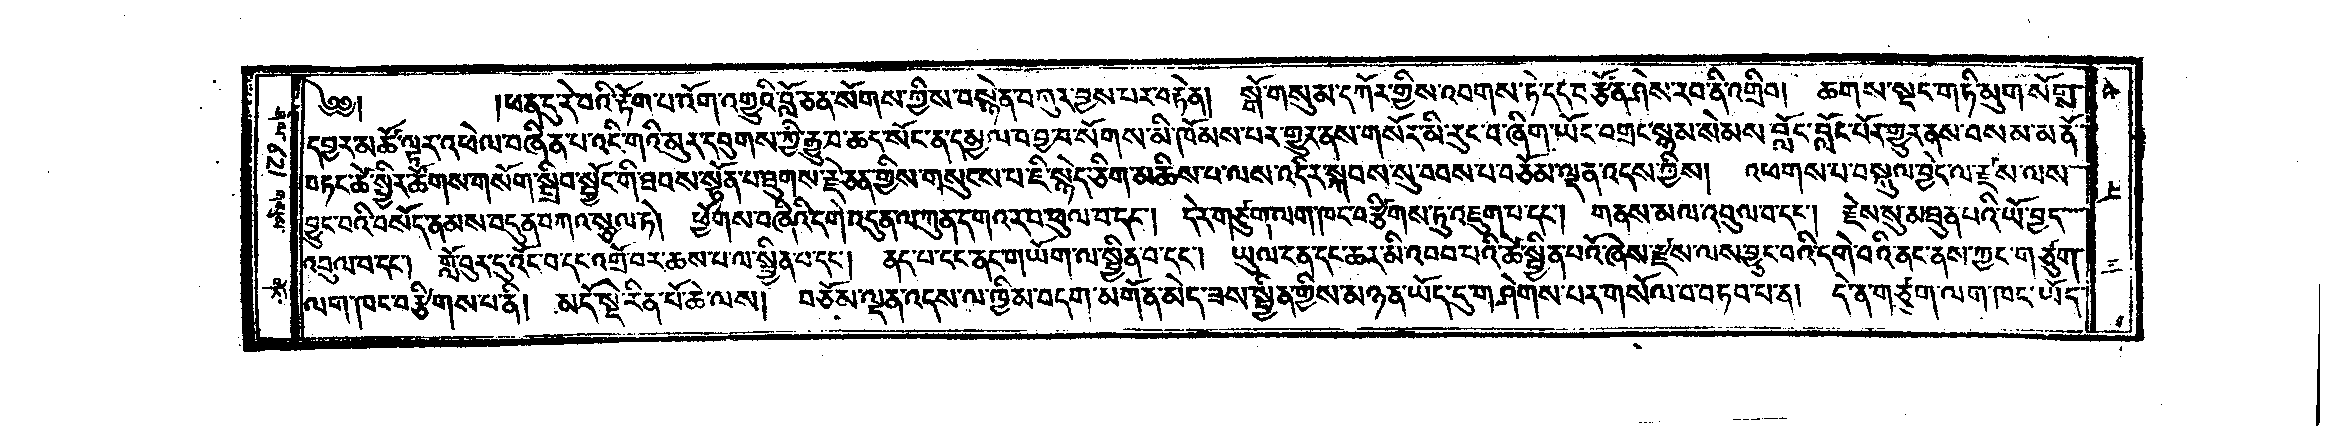༄༅། །ཕན་དུ་རེ་བའི་རྟོག་པ་འོག་འགྱུའི་བློ་ཅན་སོགས་ཀྱིས་བསྙེན་བཀུར་བྱས་པར་བརྟེན། སྒོ་གསུམ་དཀོར་གྱིས་འབགས་ཏེ་ངང?་བརྩོན་ཤེས་རབ་ནི་འགྲིབ། ཆགས་སྡང་གཏི་མུག་སོགས་
དབྱར་མཚོ་ལྟར་འཕེལ་བཞིན་པ་འདི་གའི་མུར་དབུགས་ཀྱི་རྒྱུ་བ་ཆད་སོང་ན་དམྱལ་བ་བྱ་བ་སོགས་མི་ཁོམས་པར་གྱུར་ནས་གསོར་མི་རུང་པ་ཞིག་ཡོང་བགྲང་སྙམ་སེམས་བློང་བློང་པོར་གྱུར་ནས་བསམ་མ་ནོ་
བཏང་ཚེ་སྤྱིར་ཚོགས་གསོག་སྒྲིབ་སྦྱོང་གི་ཐབས་སྟོན་པ་ཐུགས་རྗེ་ཅན་གྱིས་གསུངས་པ་ཇི་སྙེད་ཅིག་མཆིས་པ་ལས་འདིར་སྐབས་སུ་བབས་པ་བཅོམ་ལྡན་འདས་ཀྱིས། འཕགས་པ་བསྐུལ་བྱེད་ལ་རྫས་ལས་
བྱུང་བའི་བསོད་ནམས་བདུན་བཀའ་སྩལ་ཏེ། ཕྱོགས་བཞིའི་དགེ་འདུན་ལ་ཀུན་དགའ་ར་བ་ཕུལ་བ་དང་། དེར་གཙུག་ལག་ཁང་བརྩིགས་ཏུ་འཇུག་པ་དང་། གནས་མལ་འབུལ་བ་དང་། རྗེས་སུ་མཐུན་པའི་ཡོ་བྱད་
འབུལ་བ་དང་། གློ་བུར་དུ་འོང་བ་དང་འགྲོ་བར་ཆས་པ་ལ་སྦྱིན་པ་དང་། ནད་པ་དང་ནང་གཡོག་ལ་སྦྱིན་པ་དང་། ཡུལ་ངན་དང་ཆར་མི་འབབ་པའི་ཚེ་སྦྱིན་པའོ་ཞེས་རྫས་ལས་བྱུང་བའི་དགེ་བའི་ནང་ནས་ཀྱང་གཙུག་
ལག་ཁང་བརྩིགས་པ་ནི། མདོ་སྡེ་རིན་པོ་ཆེ་ལས། བཅོམ་ལྡན་འདས་ལ་ཁྱིམ་བདག་མགོན་མེད་ཟས་སྦྱིན་གྱིས་མཉན་ཡོད་དུ་གཤེགས་པར་གསོལ་བ་བཏབ་པ་ན། དེ་ན་གཙུག་ལག་ཁང་ཡོད་